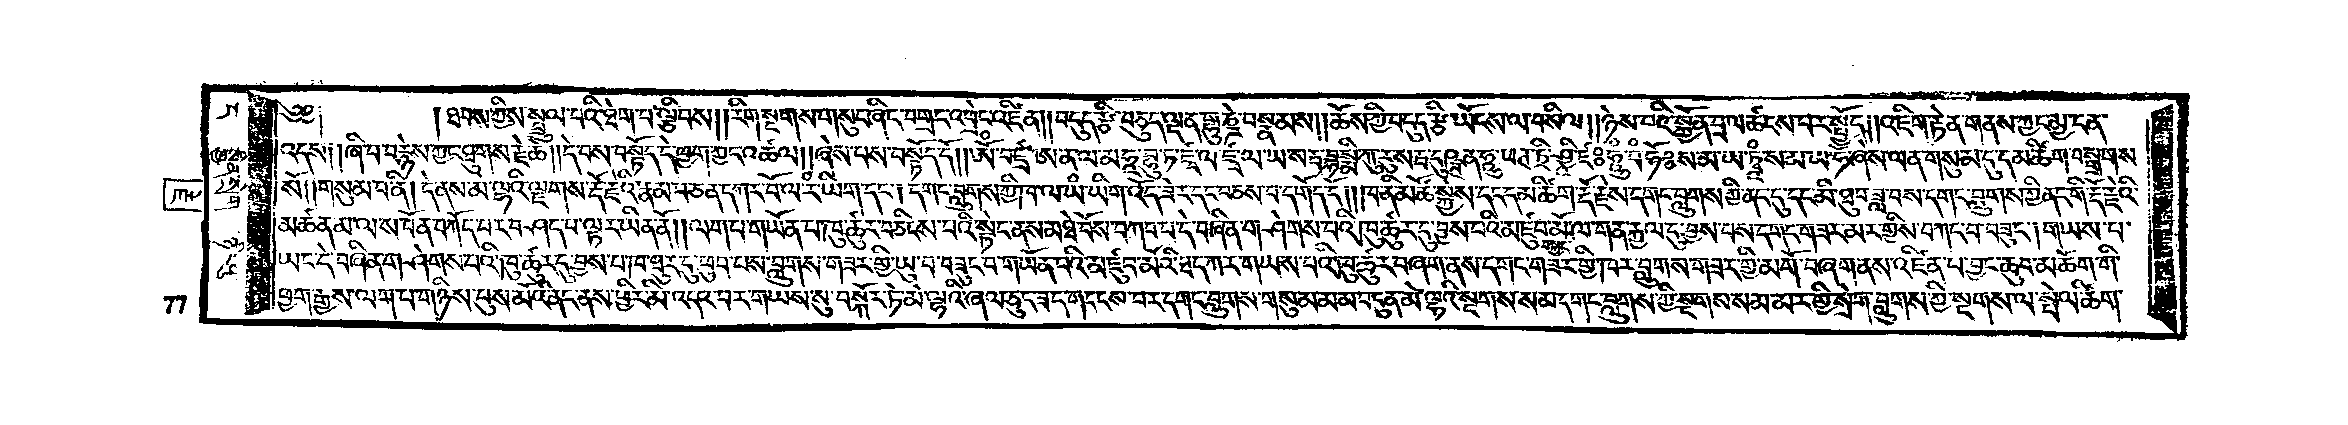༄༅། །ཐབས་ཀྱིས་སྤྲུལ་པའི་ཐེག་པ་ལྕིབས། །རིག་སྔགས་གསུང་ཞིང་བགྲང་འཕྲེང་འཛིན། །བདུད་རྩི་བཅུད་ལྡན་གྷུ་ཎྜེ་བསྣམས། །ཆོས་ཀྱི་བདུད་རྩི་ཡོངས་ལ་བསིལ། །ཉེས་པའི་སྐྱོན་བྲལ་ཚངས་པར་སྤྱོད། །འཇིག་རྟེན་གནས་ཀྱང་མྱ་ངན་
འདས། །ཞི་བ་བརྙེས་ཀྱང་ཐུགས་རྗེ་ཆེ། །དེ་བས་བསྟོད་དེ་ཕྱག་ཀྱང་འཚལ། །ཞེས་པས་བསྟོད་དོ། །ཨོཾ་བཛྲ་ཨ་ན་ལ་མཧཱ་བྷཱུ་ཏ་ཛྭ་ལ་ཛྲ་ལ་ཡ་སརྦ་བྷ་སྨི་ཀུ་རུ་སརྦ་དུ་ཥྚྲཎ་ཧཱཱུ་ཕཊ་ཏྲི་ཤྱཱི་ཛ་H ཧཱུཾ་བཾ་ཧོཿ ས་མ་ཡ་ཏྭཱཾ་ས་མ་ཡ་ཧོ་ཞེས་ལན་གསུམ་དུ་དམ་ཚིག་བསྒྲགས་
སོ། །གསུམ་པ་ནི། དེ་ནས་མ་ལྷའི་ལྗགས་རྡོ་རྗེའི་རྣམ་པ་ཅན་དཀར་པོ་ལ་རཾ་ཡིག་དང་། དགང་བླུགས་ཀྱི་ཁ་ལ་ཡཾ་ཡིག་འོད་ཟེར་དང་བཅས་པ་དགོད་དོ། །ཁ་ནི་མཚོ་སྐྱེས་དང་དམ་ཚིག་རྡོ་རྗེས་དགང་བླུགས་ཀྱི་ནང་དུ་དང་མི་ཐུབ་ཟླ་བས་དགང་བླུགས་ཀྱི་ནང་གི་རྡོ་རྗེའི་
མཚན་མ་ལ་ས་བོན་བཀོད་པར་བཤད་པ་ལྟར་ཡིན་ནོ། །ལག་པ་གཡོན་པ་ཁུ་ཚུར་བཅིངས་པའི་སྟེང་ནས་མཐེ་བོས་བཀབ་པ་དེ་བཞིན་གཤེགས་པའི་ཁུ་ཚུར་དུ་བྱས་པའི་མཛུབ་མོ་བསྐྱང་ལ་གན་རྐྱལ་དུ་བྱས་པས་དགང་གཟར་མར་གྱིས་བཀང་པ་བཟུང་། །གཡས་པ་
ཡང་དེ་བཞིན་གཤེགས་པའི་ཁུ་ཚུར་དུ་བྱས་པ་ཁ་ཐུར་དུ་ཕུབ་པས་བླུགས་གཟར་གྱི་ཡུ་བ་བཟུང་བ་གཡོན་པའི་མཛུབ་མོའི་ཐད་དཀར་གཡས་པའི་ཁུ་ཚུར་བཞག་ནས་དགང་གཟར་གྱི་ཁར་བླུགས་གཟར་གྱི་མགོ་བཞག་ནས་འཛིན་པ་བྱང་ཆུབ་མཆོག་གི་
ཕྱག་རྒྱས་ལག་པ་གཉིས་པུས་མོའི་ནང་ནས་ཕྱིར་མི་འདའ་བར་གཡས་སུ་བསྐོར་ཏེ་མེ་ལྷའི་ཞལ་ཅུང་ཟད་གདངས་བར་དགང་བླུགས་གསུམ་མམ་བདུན་མེ་ལྷའི་སྔགས་སམ་དགང་བླུགས་ཀྱི་སྔགས་སམ་མར་གྱི་སྲེག་བླུགས་ཀྱི་སྔགས་ལ་སྤེལ་ཚིག་